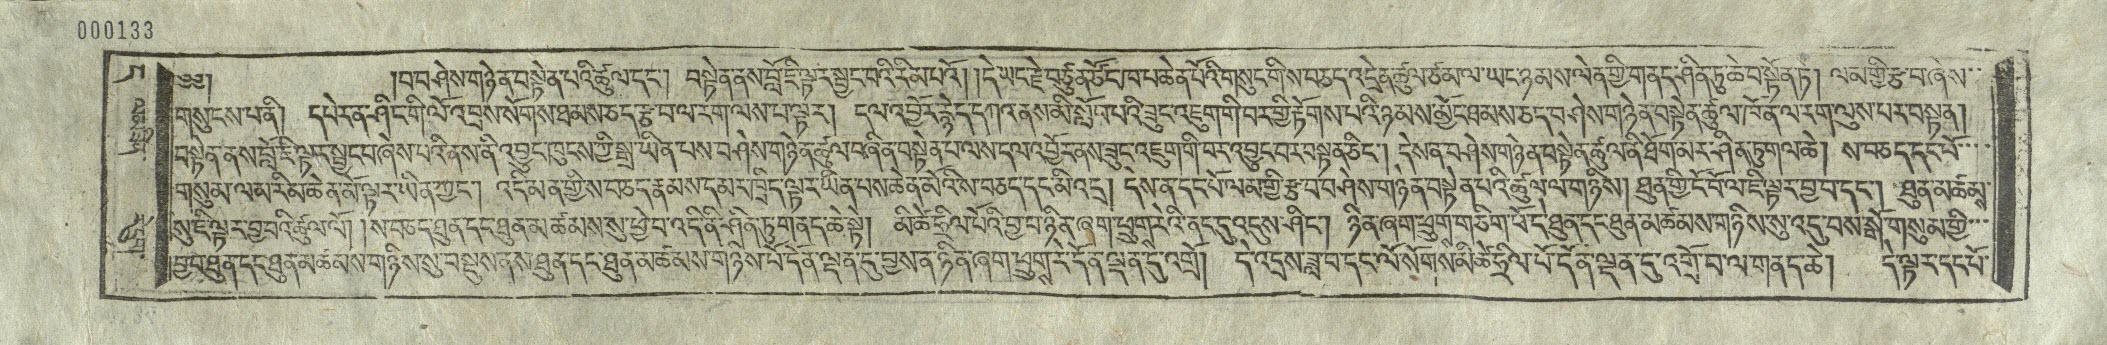༄༅། །བ་བཤེས་གཉེན་བསྟེན་པའི་ཚུལ་དང་། བསྟེན་ནས་བློ་ཇི་ལྟར་སྦྱང་བའི་རིམ་པའོ། །དེ་ཡང་རྗེ་བཙུན་ཙོང་ཁ་པ་ཆེན་པོའི་གསུང་གི་ས་བཅད་འདྲེན་ཚུལ་ཙམ་ལ་ཡང་ཉམས་ལེན་གྱི་གནད་ཤིན་ཏུ་ཆེ་བ་སྟོན་ཏེ། ལམ་གྱི་རྩ་བ་ཞེས་
གསུངས་པ་ནི། དཔེར་ན་ཤིང་གི་ལོ་འབྲས་སོགས་ཐམས་ཅད་རྩ་བ་ལ་རག་ལས་པ་ལྟར། དལ་འབྱོར་རྙེད་དཀའ་ནས་མི་སློབ་པའི་ཟུང་འཇུག་གི་བར་གྱི་རྟོགས་པའི་ཉམས་མྱོང་ཐམས་ཅད་བཤེས་གཉེན་བསྟེན་ཚུལ་ཁོ་ན་ལ་རག་ལུས་པར་བསྟན།
བསྟེན་ནས་བློ་ཇི་ལྟར་སྦྱང་བ་ཞེས་པའི་ནས་ནི་འབྱུང་ཁུངས་ཀྱི་སྒྲ་ཡིན་པས་བཤེས་གཉེན་ཚུལ་བཞིན་བསྟེན་པ་ལས་དལ་འབྱོར་ནས་ཟུང་འཇུག་གི་བར་འབྱུང་བར་བསྟན་ཅིང་། དེས་ན་བཤེས་གཉེན་བསྟེན་ཚུལ་ནི་ཐོག་མར་ཤིན་ཏུ་གལ་ཆེ། ས་བཅད་དང་པོ་
གསུམ་ལམ་རིམ་ཆེན་མོ་ལྟར་ཡིན་ཀྱང་། འདི་མན་གྱི་ས་བཅད་རྣམས་དམར་ཁྲིད་ལྟར་ཡིན་པས་ཆེན་མོའི་ས་བཅད་དང་མི་འདྲ། དེས་ན་དང་པོ་ལམ་གྱི་རྩ་བ་བཤེས་གཉེན་བསྟེན་པའི་ཚུལ་ལ་གཉིས། ཐུན་གྱི་ངོ་བོ་ལ་ཇི་ལྟར་བྱ་བ་དང་། ཐུན་མཚམས་
སུ་ཇི་ལྟར་བྱ་བའི་ཚུལ་ལོ། །ས་བཅད་ཐུན་དང་ཐུན་མཚམས་སུ་ཕྱེ་བ་འདི་ནི་ཤིན་ཏུ་གནད་ཆེ་སྟེ། མི་ཚེ་ཧྲིལ་པོའི་བྱ་བ་ཉིན་ཞག་ཕྲུགས་རེའི་ནང་དུ་འདུས་ཤིང་། ཉིན་ཞག་ཕྲུགས་གཅིག་པོ་དེ་ཐུན་དང་ཐུན་མཚམས་གཉིས་སུ་འདུ་བས་སྒོ་གསུམ་གྱི་
བྱ་བ་ཐུན་དང་ཐུན་མཚམས་གཉིས་སུ་བསྡུས་ནས་ཐུན་དང་ཐུན་མཚམས་གཉིས་པོ་དོན་ལྡན་དུ་བྱས་ན་ཉིན་ཞག་ཕྲུགས་རེ་དོན་ལྡན་དུ་འགྲོ། དེ་འདྲས་ཟླ་བ་དང་ལོ་སོགས་མི་ཚེ་ཧྲིལ་པོ་དོན་ལྡན་དུ་འགྲོ་བ་ལ་གནད་ཆེ། དེ་ལྟར་དང་པོ་